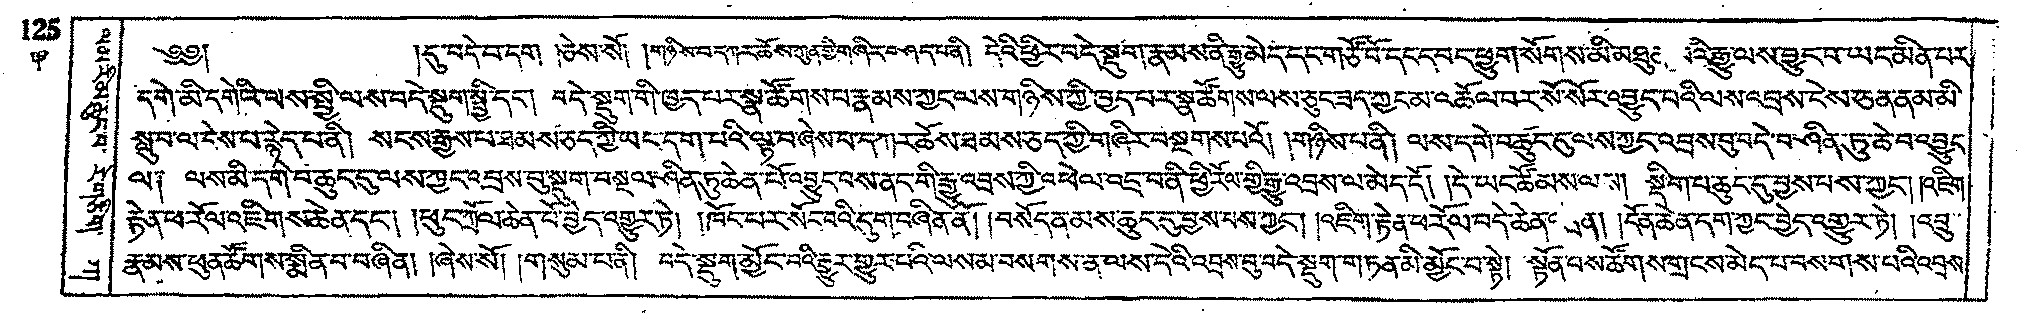༄༅། །དུ་བདེ་བ་དག །ཅེས་སོ། །གཉིས་པ་དཀར་ཆོས་ཀུན་གྱི་གཞིར་བཤད་པ་ནི།  དེའི་ཕྱིར་བདེ་སྡུག་རྣམས་ནི་རྒྱུ་མེད་དང་གཙོ་བོ་དང་དབང་ཕྱུག་སོགས་མི་མཐུན་བའི་རྒྱུ་ལས་བྱུང་བ་ཡང་མིན་པར་
དགེ་མི་དགེའི་ལས་སྤྱི་ལས་བདེ་སྡུག་སྤྱི་དང་། བདེ་སྡུག་གི་ཁྱད་པར་སྣ་ཚོགས་པ་རྣམས་ཀྱང་ལས་གཉིས་ཀྱི་ཁྱད་པར་སྣ་ཚོགས་ལས་ཅུང་ཟད་ཀྱང་མ་འཚོལ་བར་སོ་སོར་འབྱུང་བའི་ལས་འབྲས་ངེས་ཅན་ནམ་མི་
སླུ་བ་ལ་ངེས་པ་རྙེད་པ་ནི། སངས་རྒྱས་པ་ཐམས་ཅད་ཀྱི་ཡང་དག་པའི་ལྟ་བ་ཞེས་པ་དཀར་ཆོས་ཐམས་ཅད་ཀྱི་གཞིར་བསྔགས་པའོ། །གཉིས་པ་ནི། ལས་དགེ་བ་ཆུང་དུ་ལས་ཀྱང་འབྲས་བུ་བདེ་བ་ཤིན་ཏུ་ཆེ་བ་འབྱུང་
ལ༑ ལས་མི་དགེ་བ་ཆུང་ངུ་ལས་ཀྱང་འབྲས་བུ་སྡུག་བསྔལ་ཤིན་ཏུ་ཆེན་པོ་འབྱུང་བས་ནང་གི་རྒྱུ་འབྲས་ཀྱི་འཕེལ་འདྲ་བ་ནི་ཕྱི་རོལ་གྱི་རྒྱུ་འབྲས་ལ་མེད་དོ། །དེ་ཡང་ཚོམས་ལས། སྡིག་པ་ཆུང་དུ་བྱས་པས་ཀྱང་། །འཇིག་
རྟེན་ཕ་རོལ་འཇིགས་ཆེན་དང་། །ཕུང་ཀྲོལ་ཆེན་པོ་བྱེད་འགྱུར་ཏེ། །ཁོང་པར་སོང་བའི་དུག་བཞིན་ནོ། །བསོད་ནམས་ཆུང་དུ་བྱས་པས་ཀྱང་། །འཇིག་རྟེན་ཕ་རོལ་བདེ་ཆེན་འདྲན། །དོན་ཆེན་དག་ཀྱང་བྱེད་འགྱུར་ཏེ། །འབྲུ་
རྣམས་ཕུན་ཚོགས་སྨིན་པ་བཞིན། །ཞེས་སོ། །གསུམ་པ་ནི། བདེ་སྡུག་མྱོང་བའི་རྒྱུར་གྱུར་པའི་ལས་མ་བསགས་ན་ལས་དེའི་འབྲས་བུ་བདེ་སྡུག་གཏན་མི་མྱོང་བ་སྟེ། སྟོན་པས་ཚོགས་གྲངས་མེད་པ་བསགས་པའི་འབྲས་